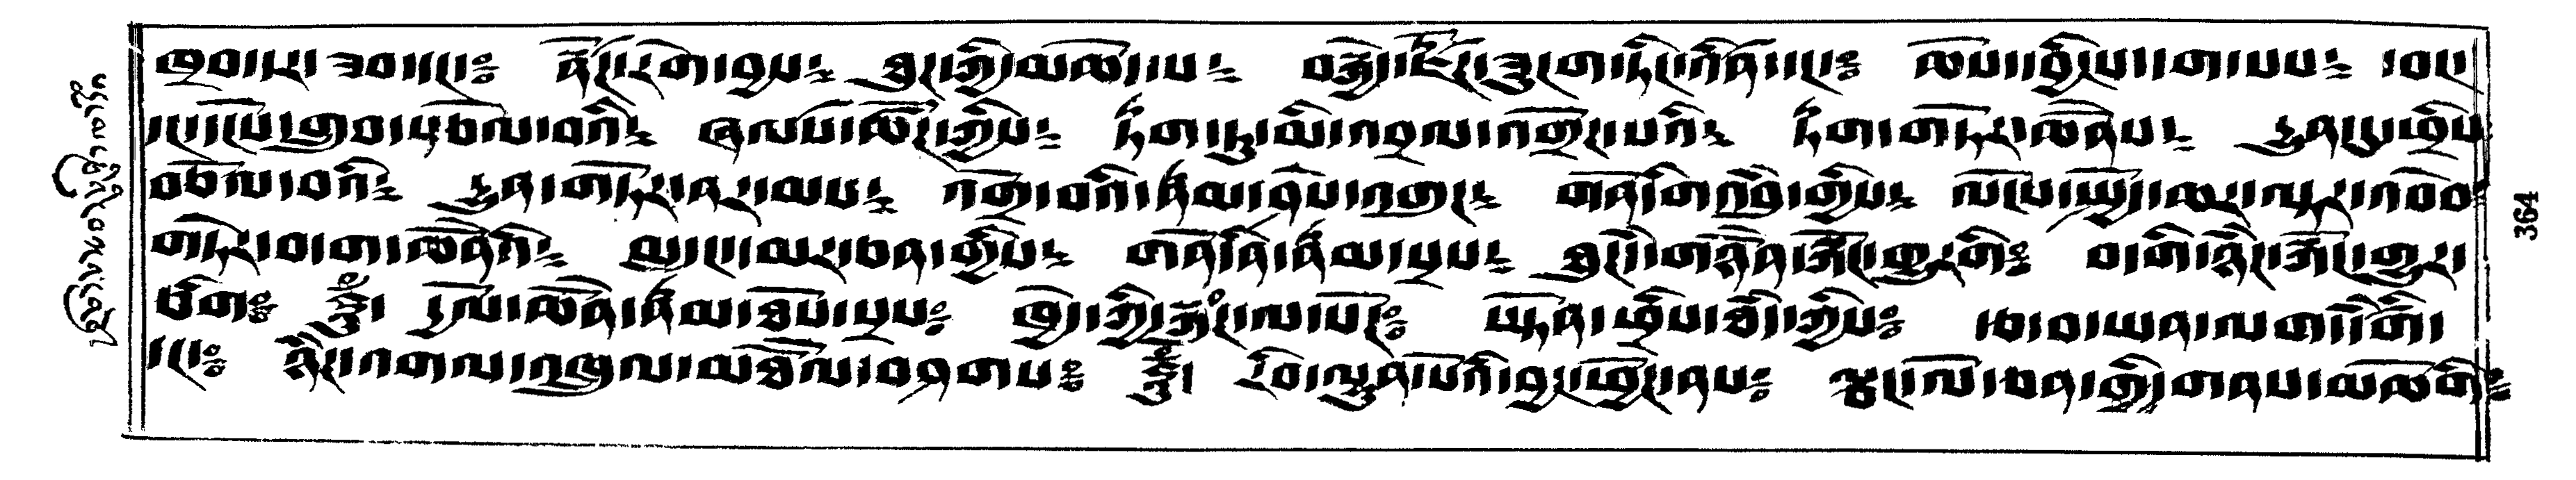ཁྲབ་དར་ཟབ་དང༔ སྣ་ཚོགས་རེག་བྱས༴ ཐུགས་ཀྱི་མཆོད་པ༴ བསྐྱེད་རྫོགས་ཟུང་འཇུག་ཏིང་འཛིན་དང༔ ཆོས་དབྱིངས་དག་པས༴ དབང་
དང་དངོས་གྲུབ་སྩོལ་བའི༴ ཞལ་ཟས་ཚོགས་ཀྱིས༴ རྟག་ཏུ་མི་འབྲལ་འགྲོག་པའི༴ རྟག་གཏོར་ཆེན་པོས༴ རྒྱུན་དུ་ཕྲིན་ལས་
བཅོལ་བའི༴ རྒྱུན་གཏོར་ནར་མས༴ འགྲོ་བའི་རྣམ་ཤེས་འགུགས༴ གནོད་སྦྱིན་འབུམ་གྱིས༴ ལོངས་སྤྱོད་ཆར་ལྟར་འབེབས། 
གཏེར་བདག་ཆེན་པོའི༴ མདུང་དམར་ཅན་གྱིས༴ གནོད་སྦྱིན་རྣམ་སྲས༴ ཐུགས་དམ་གཉན་པོ་སྐོང་གྱུར་ཅིག༔ བདག་གི་ཉམས་ཆག་སྐོང་གྱུར་
ཅིག༔ ཧཱུྃ། རྒྱལ་པོ་ཆེན་པོ་རྣམ་ཐོས་སྲས༔ ཁྱེད་ཀྱི་སྐུ་གསུང་ཐུགས་ལ་སོགས༔ ཡོན་ཏན་ཕྲིན་ལས་ཐམས་ཅད་ཀྱི༔ རྩ་བ་ཡན་ལག་དམ་ཚིག་
དང༔ ཉམས་ཆག་འགལ་འཁྲུལ་མཐོལ་ལོ་བཤགས༔ ཧཱུྃ། རི་རབ་ལྷུན་པོའི་བྱང་ཕྱོགས་ནས༔ ལྕང་ལོ་ཅན་གྱི་གནས་མཆོག་གི༔